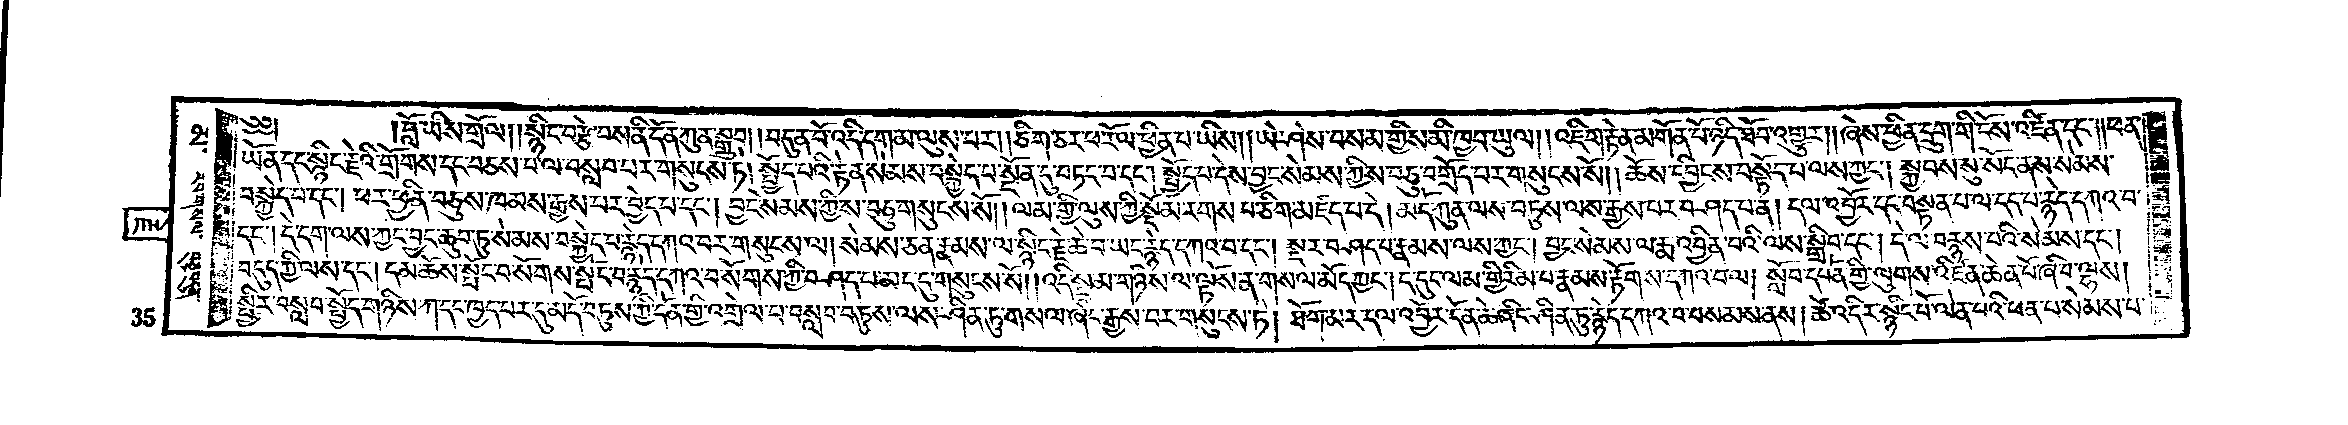༄༅། །བློ་ཡིས་གྲོལ། །སྙིང་བརྩེ་བས་ནི་དོན་ཀུན་སྒྲུབ། །བདུན་པོ་འདི་དག་མ་ལུས་པར། །ཅིག་ཅར་ཕ་རོལ་ཕྱིན་པ་ཡིས། །ཡེ་ཤེས་བསམ་གྱིས་མི་ཁྱབ་ཡུལ། །འཇིག་རྟེན་མགོན་པོ་ཉིད་ཐོབ་འགྱུར། །ཞེས་ཕྱིན་དྲུག་གི་ངོས་འཛིན་དང་། །ཕན་
ཡོན་དང་སྙིང་རྗེའི་གྲོགས་དང་བཅས་པ་ལ་བསླབ་པར་གསུངས་ཏེ། སྤྱོད་པའི་རྟེན་སེམས་བསྐྱེད་པ་སྔོན་དུ་བཏང་བ་དང་། སྤྱོད་པ་དེས་བྱང་སེམས་ཀྱི་ས་བཅུ་བགྲོད་པར་གསུངས་སོ། །ཆོས་དབྱིངས་བསྟོད་པ་ལས་ཀྱང་། སྐྱབས་སུ་སོང་ནས་སེམས་
བསྐྱེད་པ་དང་། ཕར་ཕྱིན་བཅུས་ཁམས་རྒྱས་པར་བྱེད་པ་དང་། བྱང་སེམས་ཀྱི་ས་བཅུ་གསུངས་སོ། །ལམ་གྱི་ལུས་ཀྱི་སྡོམ་རགས་པ་ཅིག་མཛད་པ་དེ། མདོ་ཀུན་ལས་བཏུས་ལས་རྒྱས་པར་བཤད་པ་ན། དལ་འབྱོར་དང་བསྟན་པ་ལ་དད་པ་རྙེད་དཀའ་བ་
དང་། དེ་དག་ལས་ཀྱང་བྱང་ཆུབ་ཏུ་སེམས་བསྐྱེད་པ་རྙེད་དཀའ་བར་གསུངས་ལ། སེམས་ཅན་རྣམས་ལ་སྙིང་རྗེ་ཆེ་བ་ཡང་རྙེད་དཀའ་བ་དང་། སྔར་བཤད་པ་རྣམས་ལས་ཀྱང་། བྱང་སེམས་ལ་རྨ་འབྱིན་པའི་ལས་སྒྲིབ་དང་། དེ་ལ་བརྙས་པའི་སེམས་དང་།
བདུད་ཀྱི་ལས་དང་། དམ་ཆོས་སྤོང་བ་སོགས་སྤོང་བ་རྙེད་དཀའ་བ་སོགས་ཀྱི་བཤད་པ་མང་དུ་གསུངས་སོ། །འདི་སྔ་མ་གཉིས་ལ་ལྟོས་ན་གསལ་མོད་ཀྱང་། ད་དུང་ལམ་གྱི་རིམ་པ་རྣམས་རྟོགས་དཀའ་བ་ལ། སློབ་དཔོན་གྱི་ལུགས་འཛིན་ཆེན་པོ་ཞི་བ་ལྷས།
སྤྱིར་བསླབ་སྤྱོད་གཉིས་ཀ་དང་ཁྱད་པར་དུ་མདོ་ཀུན་བཏུས་ཀྱི་དོན་གྱི་འགྲེལ་པ་བསླབ་བཏུས་ལས་ཤིན་ཏུ་གསལ་ཞིང་རྒྱས་པར་གསུངས་ཏེ། ཐོག་མར་དལ་འབྱོར་དོན་ཆེ་ཞིང་ཤིན་ཏུ་རྙེད་དཀའ་བ་བསམས་ནས། ཚེ་འདིར་སྙིང་པོ་ལེན་པའི་ཕན་པ་སེམས་པ་